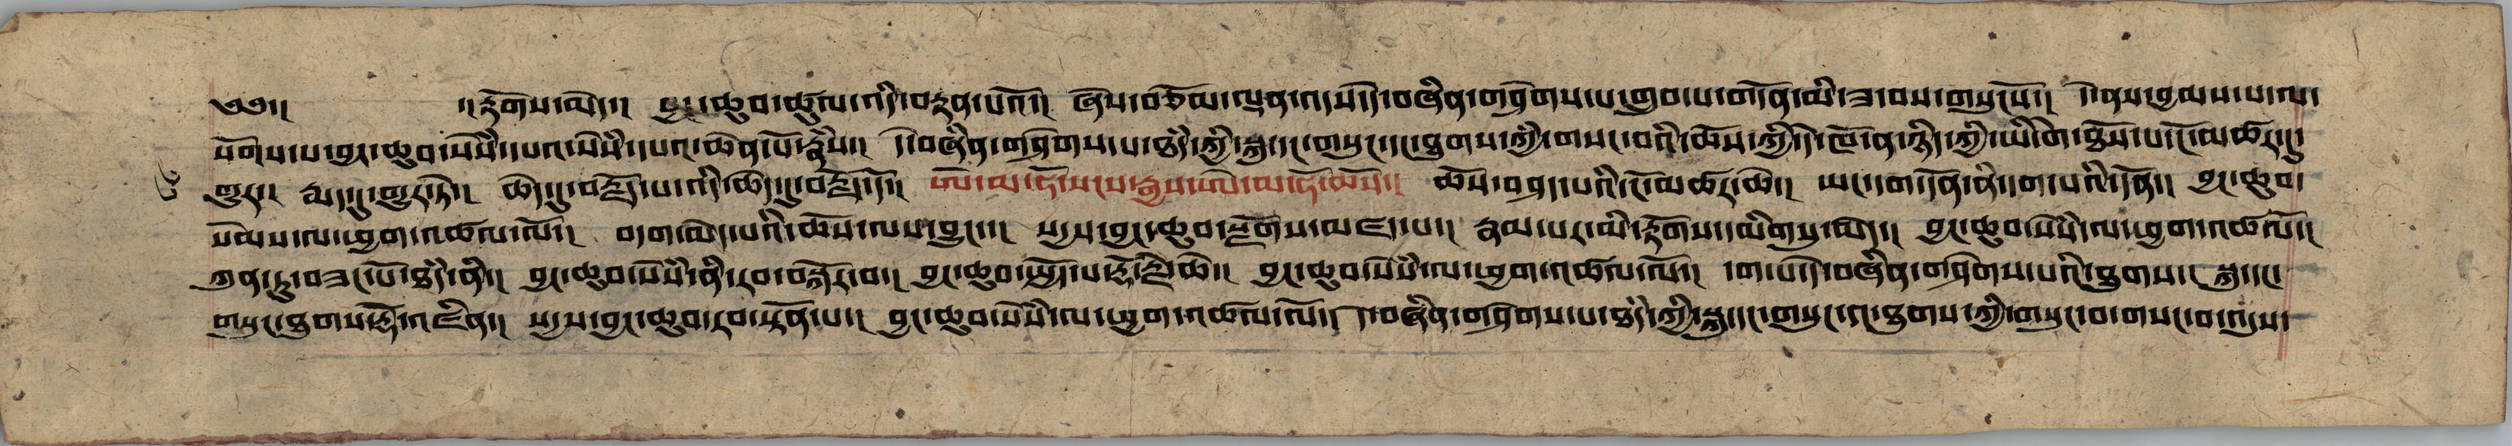༄༅་། ་།རྟོགས་མེད་། བྱང་ཆུབ་ཚུལ་འདི་བརྟན་པའོ་། ཞེས་བཅོམ་ལྡན་འདས་དེ་བཞིན་གཤེགས་པ་གྲུབ་པ་གདོན་མི་ཟ་བས་གསུངསོ་། དེ་ནས་བྱམས་པ་ལ་
སོགས་པ་བྱང་ཆུབ་སེཾས་དཔའ་སེཾས་དཔའ་ཆེན་པོ་རྣཾས་། དེ་བཞིན་གཤེགས་པ་ཐཾད་ཀྱི་སྐུ་དང་གསུང་དང་ཐུགས་ཀྱི་གསང་བའི་ཆོས་ཀྱི་དེ་ཁོ་ན་ཉིད་ཀྱི་ཡི་གེ་ཐོས་པ་ངོ་མཚར་དུ་
གྱུར་། རྨད་དུ་གྱུར་ཏེ་། ཆེད་དུ་བརྗོད་པ་འདི་ཆེད་དུ་བརྗོད་དོ་། ཨེ་མ་ཧོ་སངས་རྒྱས་ཨེ་མ་ཧོ་ཆོས་། ཆོས་བཤད་པའི་ངོ་མཚར་ཆེ་། ཡང་དག་དོན་ནི་དག་པའི་དོན་། བྱང་ཆུབ་
སེམས་ལ་ཕྱག་འཚལ་ལོ་། བདག་མེད་པའི་ཆོས་ལས་བྱུང་་། སདྱས་བྱང་ཆུབ་སྫོགས་མཛད་པ་། རྣམ་པར་མི་རྟོགས་དམིགསུ་མེད་། བྱང་ཆུབ་སེཾས་ལ་ཕྱག་འཚལོ་།
ཀུན་ཏུ་བཟང་པོཐཾད་ནི་། བྱང་ཆུབ་སེཾས་ནི་རབ་བསྐོར་བ་། བྱང་ཆུབ་སྤྱོད་པ་རྡོ་རྗེ་ཆེ་། བྱང་ཆུབ་སེཾས་ལ་ཕྱག་འཚལ་ལོ་། དག་པ་དེ་བཞིན་གཤེགས་པའི་ཐུགས་། སྐུ་དང་
གསུང་ཐུགས་རྡོེ་འཛིན་། སདྱས་བྱང་ཆུབ་རབ་སྟོན་པ་། བྱང་ཆུབ་སེཾས་ལ་ཕྱག་འཚལ་ལོ་། དེ་བཞིན་གཤེགས་པ་ཐཾད་ཀྱི་སྐུ་དང་གསུང་དང་ཐུགས་ཀྱི་གསུང་བ་གསང་བ་འདུས་